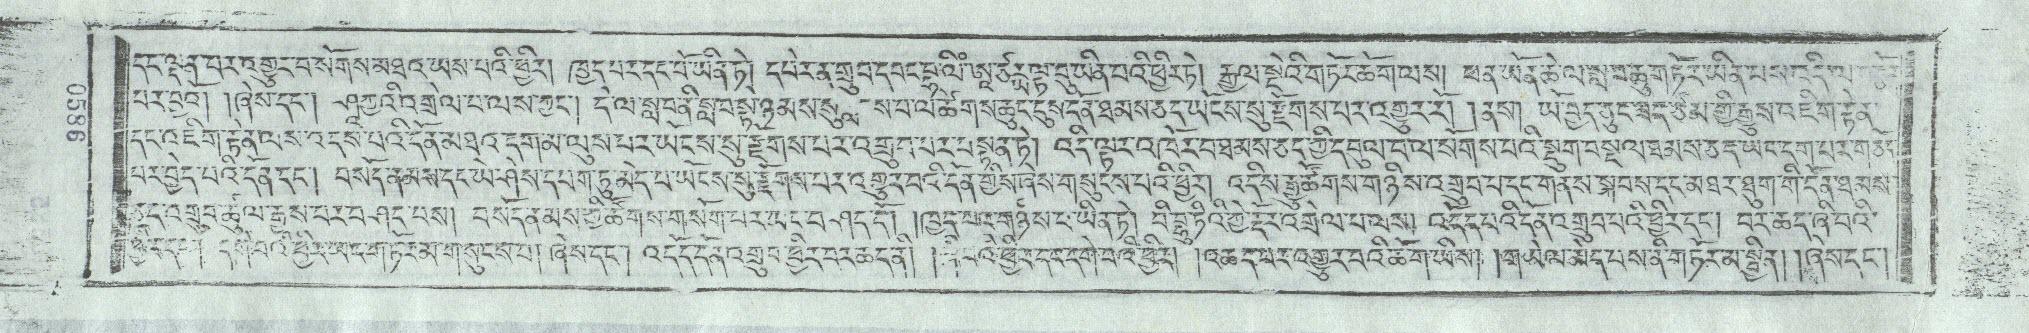དང་ལྡན་པར་འགྱུར་བ་སོགས་མཐའ་ཡས་པའི་ཕྱིར། ཁྱད་པར་དང་པོ་ཡིན་ཏེ། དཔེར་ན་གྲུབ་དབང་བྷ་ལིཾ་ཨཱ་ཙརྱ་ལྟ་བུ་ཡིན་པའི་ཕྱིར་ཏེ། རྒྱལ་སྡེའི་གཏོར་ཆོག་ལས། ཕན་ཡོན་ཆེ་ལ་སླ་བ་ཆུ་གཏོར་ཡིན་པས་འདི་ལ་བརྩོན་
པར་བྱའོ། །ཞེས་དང་། ཤཱཀྱའི་འགྲེལ་པ་ལས་ཀྱང་། དེ་ལ་སླ་བ་ནི་སླས་སྟེ་ཉམས་སུ་སླབས་པ་ལ་ཚེགས་ཆུང་དུས་དོན་ཐམས་ཅད་ཡོངས་སུ་རྫོགས་པར་འགྱུར་རོ། །ནས། ཡོ་བྱད་ཅུང་ཟད་ཙམ་གྱི་རྒྱུས་འཇིག་རྟེན་
དང་འཇིག་རྟེན་ལས་འདས་པའི་དོན་མཐའ་དག་མ་ལུས་པར་ཡོངས་སུ་རྫོགས་པར་འགྲུབ་པར་བསྙན་ཏེ། འདི་ལྟར་འཁོར་བ་ཐམས་ཅད་ཀྱི་དབུལ་བ་ལ་སོགས་པའི་སྡུག་བསྔལ་ཐམས་ཅད་ཡང་དག་པར་གཅོད་
པར་བྱེད་པའི་དོན་དང་། བསོད་ནམས་དང་ཡེ་ཤེས་དཔག་ཏུ་མེད་པ་ཡོངས་སུ་རྫོགས་པར་འགྱུར་བའི་དོན་གྱིས་ཞེས་གསུངས་པའི་ཕྱིར། འདིས་རྒྱུ་ཚོགས་གཉིས་འགྲུབ་པ་དང་གནས་སྐབས་དང་མཐར་ཐུག་གི་དོན་ཐམས་
ཅད་འགྲུབ་ཚུལ་རྒྱས་པར་བཤད་པས། བསོད་ནམས་ཀྱི་ཚོགས་གསོག་པར་ཡང་བཤད་དོ། །ཁྱད་པར་གཉིས་པ་ཡིན་ཏེ། བི་བྷུ་ཏིའི་ཀྱེ་རྡོར་འགྲེལ་པ་ལས། འདོད་པའི་དོན་འགྲུབ་པའི་ཕྱིར་དང་། པར་ཆད་ཞི་བའི་
ཕྱིར་དང་། དགེ་བའི་ཕྱིར་ཡང་གཏོར་མ་གསུངས་པ། ཞེས་དང་། འདོད་དོན་འགྲུབ་ཕྱིར་བར་ཆད་ནི། །ཞི་བའི་ཕྱིར་དང་དགེ་བའི་ཕྱིར། །འཆད་པར་འགྱུར་བའི་ཆོ་ག་ཡིས། །གཡེལ་མེད་པས་ནི་གཏོར་མ་སྦྱིན། །ཞེས་དང་།